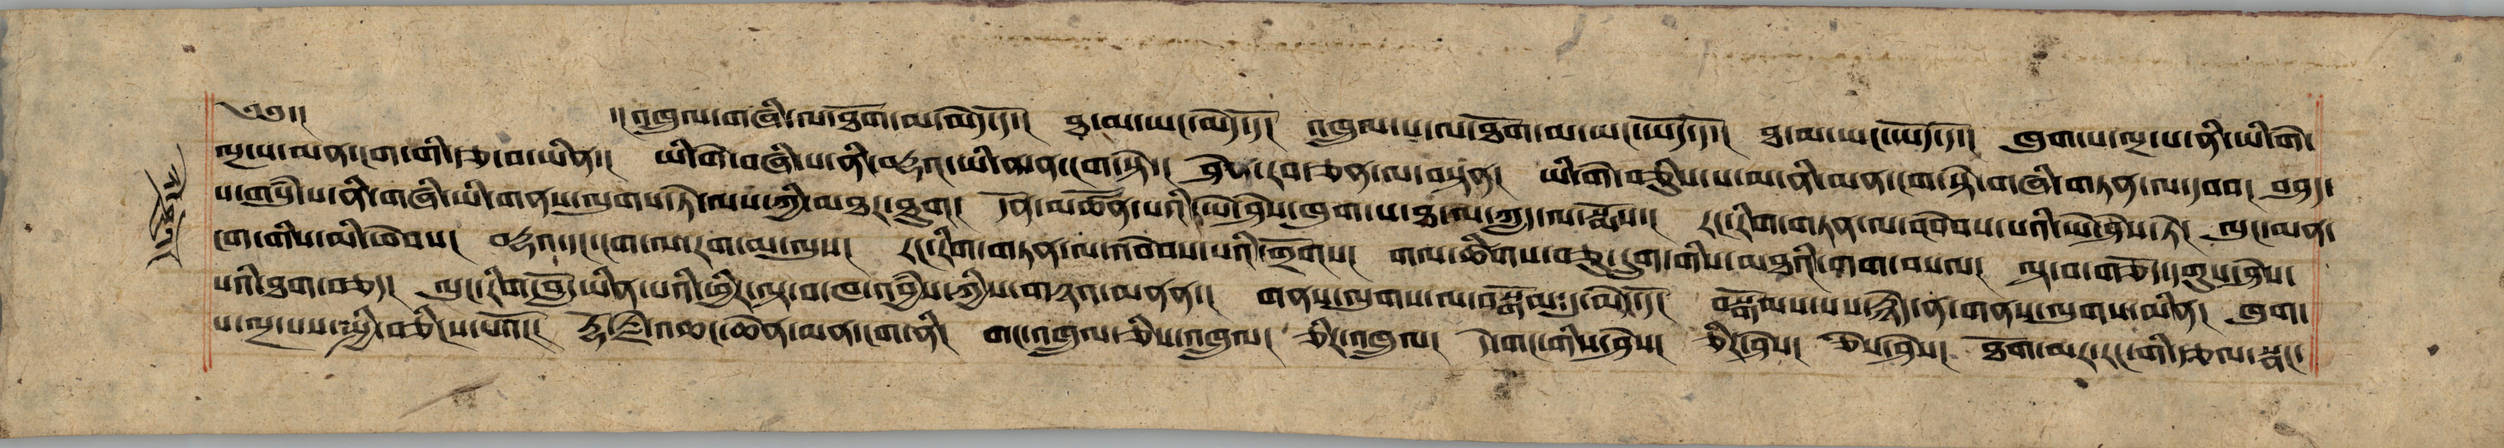༄༅་། ་།འཁྲུལ་གཞི་ལ་ཐོག་མ་མེད་དོ། ཐ་མ་ཡང་མེད་དོ། འཁྲུལ་པ་ལ་ཐོག་མ་ཡང་ཡོད་དོ་། ཐ་མ་ཡང་ཡོད་དོ་། ཁུག་པ་ལྔ་པ་ནི་ཡི་གེ་
ལྔ་པ་མན་ངག་གི་རྩ་བ་ཡིན་། ཡི་གེ་བཞི་པ་ནི་བརྡའ་ཡི་མན་ངག་སྟེ་། ཤེས་རབ་ཅན་ལ་བསྟན། ཡི་གེ་བཅིུས་པ་ལ་ནི་མན་ངག་སྟེ་གཞི་གཏན་ལ་དབབ། བཤད་
པ་གསུཾ་པ་ནི་གཞི་ཡི་གནས་ལུགས་ཏེ་ལས་ཀྱི་མཐར་ཐུག། དོན་མཚོན་པའི་ཡེ་ཤེས་ཁུག་པ་ཐབས་ཀླད་ལ་སྨོས་། རང་རིག་གཏན་ལ་འབེབས་པའི་ཡེ་ཤེས་ཏེ་། ལུང་མན་
ངག་གིས་མི་ཕེབས། བརྡའ་དང་ངག་ལ་རག་མ་ལུས། རང་རིག་གཏན་ལ་འབེབས་པའི་གྲོགས། གལ་ཚིགས་བཅུ་དྲུག་གིས་མཐའི་བདག་བསལ། ལྟ་བ་གཅོད་དགུས་ཤེས་
པའིཐག་བཅད། ལུང་རིག་བློ་ཡིན་པའི་ཕྱིར་ལྟ་བ་ཁ་འབྱཾས་ཀྱིས་གཉའ་མནན་། གནས་ལུགས་ལ་བསྒོམ་དུ་མེད་དོ། བསྒོམས་པས་རྙེད་ན་གནས་ལུགས་མིན། ཁུག་
པ་ལྔ་པས་སྤྱི་བཅིངས་པའོ།།། རྡོ་རྗེ་འཆང་ཆེན་མན་ངག་ནི། གང་འཁྲུལ་ཅིས་འཁྲུལ། ཅིར་འཁྲུལ། དེ་གང་གིས་ཤེས། ཅིར་ཤེས། ཅིས་ཤེས། ཐོག་མར་རང་གི་རྩལ་སྣང་